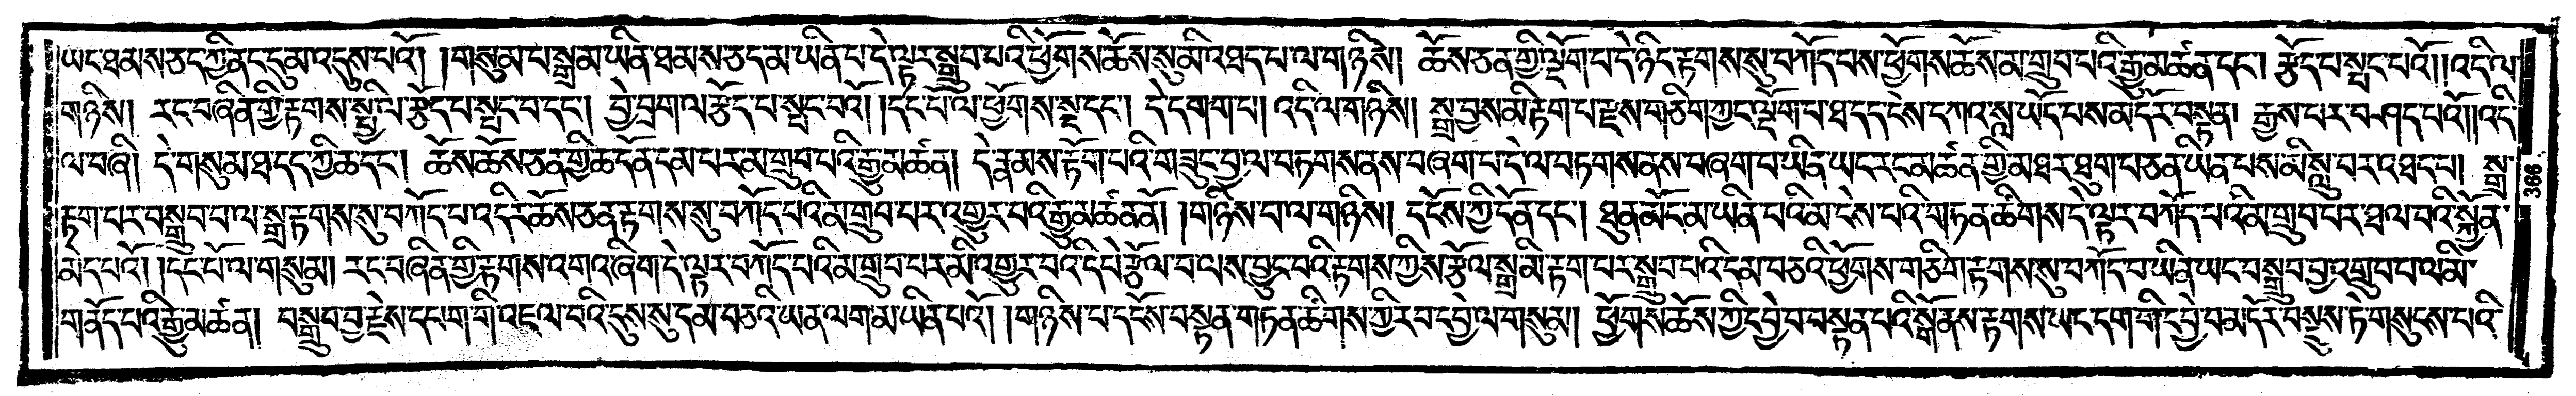ཡང་ཐམས་ཅད་ཀྱི་ནང་དུ་མ་འདུས་པའོ། །གསུམ་པ་སྒྲ་མ་ཡིན་ཐམས་ཅད་མ་ཡིན་པ་དེ་ལྟར་སྒྲུབ་པའི་ཕྱོགས་ཆོས་སུ་མི་འཐད་པ་ལ་གཉིས། ཆོས་ཅན་གྱི་ལྡོག་པ་དེ་ཉིད་རྟགས་སུ་བཀོད་པས་ཕྱོགས་ཆོས་མ་གྲུབ་པའི་རྒྱུ་མཚན་དང་། རྩོད་པ་སྤང་པའོ། །འདི་ལ་
གཉིས། རང་བཞིན་གྱི་རྟགས་སྤྱི་ལ་རྩོད་པ་སྤང་བ་དང་། བྱེ་བྲག་ལ་རྩོད་པ་སྤང་བའོ། །དང་པོ་ལ་ཕྱོགས་སྔ་དང་། དེ་དགག་པ། འདི་ལ་གཉིས། སྒྲ་བྱས་མི་རྟག་པ་རྫས་གཅིག་ཀྱང་ལྡོག་པ་ཐ་དད་ངེས་དཀའ་སླ་ཡོད་པས་མདོར་བསྟན། རྒྱས་པར་བཤད་པའོ། །འདི་
ལ་བཞི། དེ་གསུམ་ཐ་དད་ཀྱི་ཆ་དང་། ཆོས་ཆོས་ཅན་གྱི་ཆ་དོན་དམ་པར་མ་གྲུབ་པའི་རྒྱུ་མཚན། དེ་རྣམ་རྟོག་པའི་གཟུང་བྱ་ལ་བཏགས་ནས་བཞག་པ་དེ་ལ་བཏགས་ནས་བཞག་པ་ཡིན་ཡང་རང་མཚན་གྱི་མཐར་ཐུག་པ་ཅན་ཡིན་པས་མི་སླུ་བར་འཐད་པ། སྒྲ་
རྟག་པར་བསྒྲུབ་པ་ལ་སྒྲ་རྟགས་སུ་བཀོད་པ་འདིར་ཆོས་ཅན་རྟགས་སུ་བཀོད་པའི་མ་གྲུབ་པར་འགྱུར་པའི་རྒྱུ་མཚན་ནོ། །གཉིས་པ་ལ་གཉིས། དངོས་ཀྱི་དོན་དང་། ཐུན་མོང་མ་ཡིན་པའི་མ་ངེས་པའི་གཏན་ཚིགས་དེ་ལྟར་བཀོད་པའི་མ་གྲུབ་པར་ཐལ་བའི་སྐྱོན་
མེད་པའོ། །དང་པོ་ལ་གསུམ། རང་བཞིན་གྱི་རྟགས་འགའ་ཞིག་དེ་ལྟར་བཀོད་པའི་མ་གྲུབ་པར་མི་འགྱུར་པའི་དཔེ་རྩོལ་བ་ལས་བྱུང་བའི་རྟགས་ཀྱིས་རྩོལ་སྒྲ་མི་རྟག་པར་སྒྲུབ་པའི་དམ་བཅའི་ཕྱོགས་གཅིག་རྟགས་སུ་བཀོད་པ་ཡིན་ཡང་བསྒྲུབ་བྱ་འགྲུབ་པ་ལ་མི་
གནོད་པའི་རྒྱུ་མཚན། བསྒྲུབ་བྱ་རྗེས་དཔག་གི་འཇལ་བའི་དུས་སུ་དམ་བཅའི་ཡན་ལག་མ་ཡིན་པའོ། །གཉིས་པ་དངོས་བསྟན་གཏན་ཚིགས་ཀྱི་རབ་དབྱེ་ལ་གསུམ། ཕྱོགས་ཆོས་ཀྱི་དབྱེ་བ་བསྟན་པའི་སྒོ་ནས་རྟགས་ཡང་དག་གི་དབྱེ་བ་མདོར་བསྡུས་ཏེ་གསུངས་པའི་